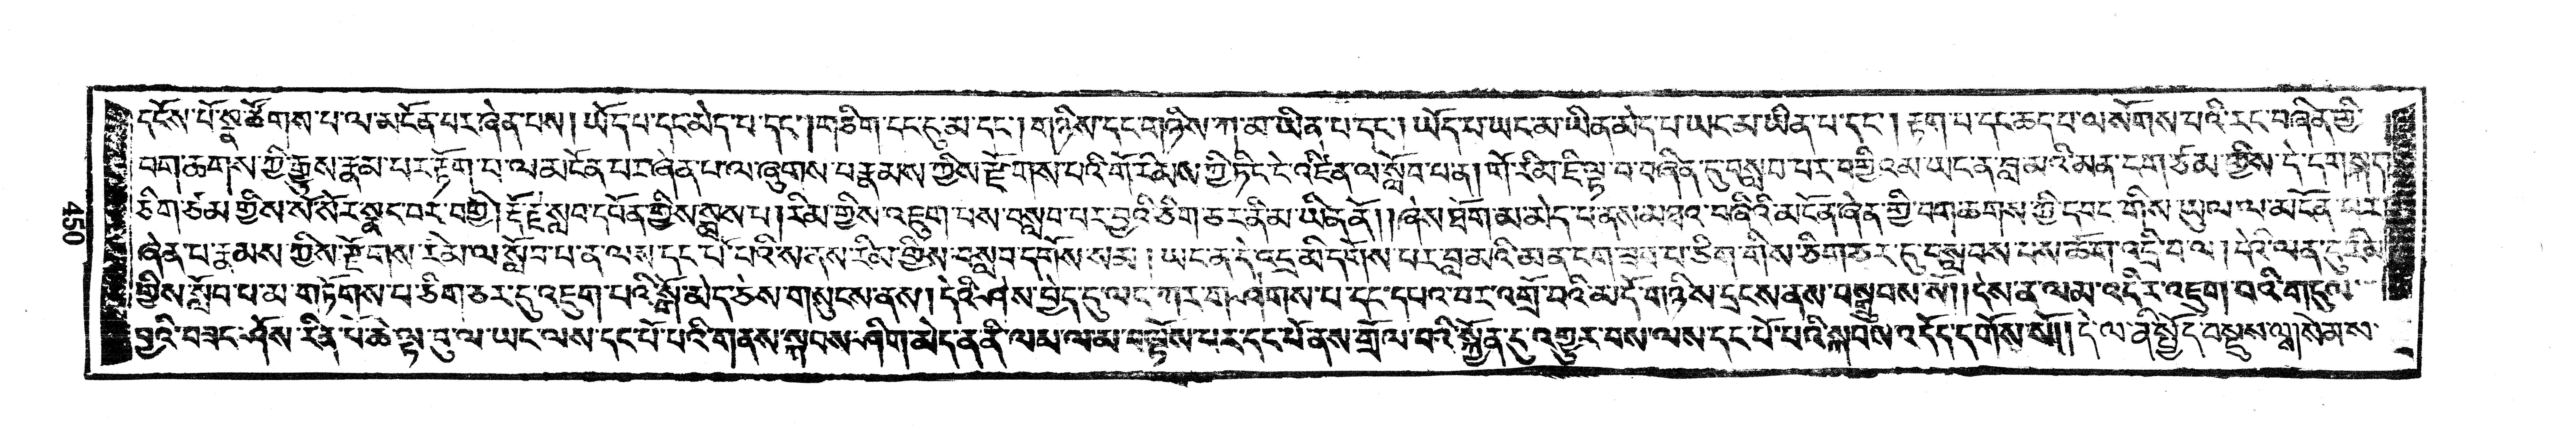དངོས་པོ་སྣ་ཚོགས་པ་ལ་མངོན་པར་ཞེན་པས། ཡོད་པ་དང་མེད་པ་དང་། གཅིག་དང་དུ་མ་དང་། གཉིས་དང་གཉིས་ཀ་མ་ཡིན་པ་དང་། ཡོད་པ་ཡང་མ་ཡིན་མེད་པ་ཡང་མ་ཡིན་པ་དང་། རྟག་པ་དང་ཆད་པ་ལ་སོགས་པའི་རང་བཞིན་གྱི་
བག་ཆགས་ཀྱི་རྒྱུས་རྣམ་པར་རྟོག་པ་ལ་མངོན་པར་ཞེན་པ་ལ་ཞུགས་པ་རྣམས་ཀྱིས་རྫོགས་པའི་གོ་རིམས་ཀྱི་ཏིང་ངེ་འཛིན་ལ་སློབ་པ་ན། གོ་རིམ་ཇི་ལྟ་བ་བཞིན་དུ་བསླབ་པར་བགྱིའམ་ཡང་ན་བླ་མའི་མན་ངག་ཙམ་གྱིས་དེ་དག་སྐད་
ཅིག་ཙམ་གྱིས་སོ་སོར་སྣང་བར་བགྱི། རྡོ་རྗེ་སློབ་དཔོན་གྱིས་སྨྲས་པ། རིམ་གྱིས་འཇུག་པས་བསླབ་པར་བྱའི་ཅིག་ཅར་ནི་མ་ཡིན་ནོ། །ཞེས་ཐོག་མ་མེད་པ་ནས་མཐའ་བཞིའི་མངོན་ཞེན་གྱི་བག་ཆགས་ཀྱི་དབང་གིས་ཡུལ་ལ་མངོན་པར་
ཞེན་པ་རྣམས་ཀྱིས་རྫོགས་རིམ་ལ་སློབ་པ་ན་ལས་དང་པོ་པའི་ས་ནས་རིམ་གྱིས་བསླབ་དགོས་སམ། ཡང་ན་དེ་འདྲ་མི་དགོས་པར་བླ་མའི་མན་ངག་ཟབ་པ་ཅིག་གིས་ཅིག་ཅར་དུ་བསླབས་པས་ཆོ་ག་འདྲི་བ་ལ། དེའི་ལན་དུ་རིམ་
གྱིས་སློབ་པ་མ་གཏོགས་པ་ཅིག་ཅར་དུ་འཇུག་པའི་སྒོ་མེད་ཅེས་གསུངས་ནས། དེའི་ཤེས་བྱེད་དུ་ལང་ཀར་གཤེགས་པ་དང་དཔའ་བར་འགྲོ་བའི་མདོ་གཉིས་དྲངས་ནས་བསྒྲུབས་སོ། །དེས་ན་ལམ་འདིར་འཇུག་པའི་གདུལ་
བྱའི་བཟང་ཤོས་རིན་པོ་ཆེ་ལྟ་བུ་ལ་ཡང་ལས་དང་པོ་བའི་གནས་སྐབས་ཤིག་མེད་ན་ནི་ལམ་ལ་མ་བལྟོས་པར་དང་པོ་ནས་གྲོལ་བའི་སྐྱོན་དུ་འགྱུར་བས་ལས་དང་པོ་བའི་སྐབས་འདོད་དགོས་སོ། །དེ་ལ་ནི་སྤྱོད་བསྡུས་ལས། སེམས་